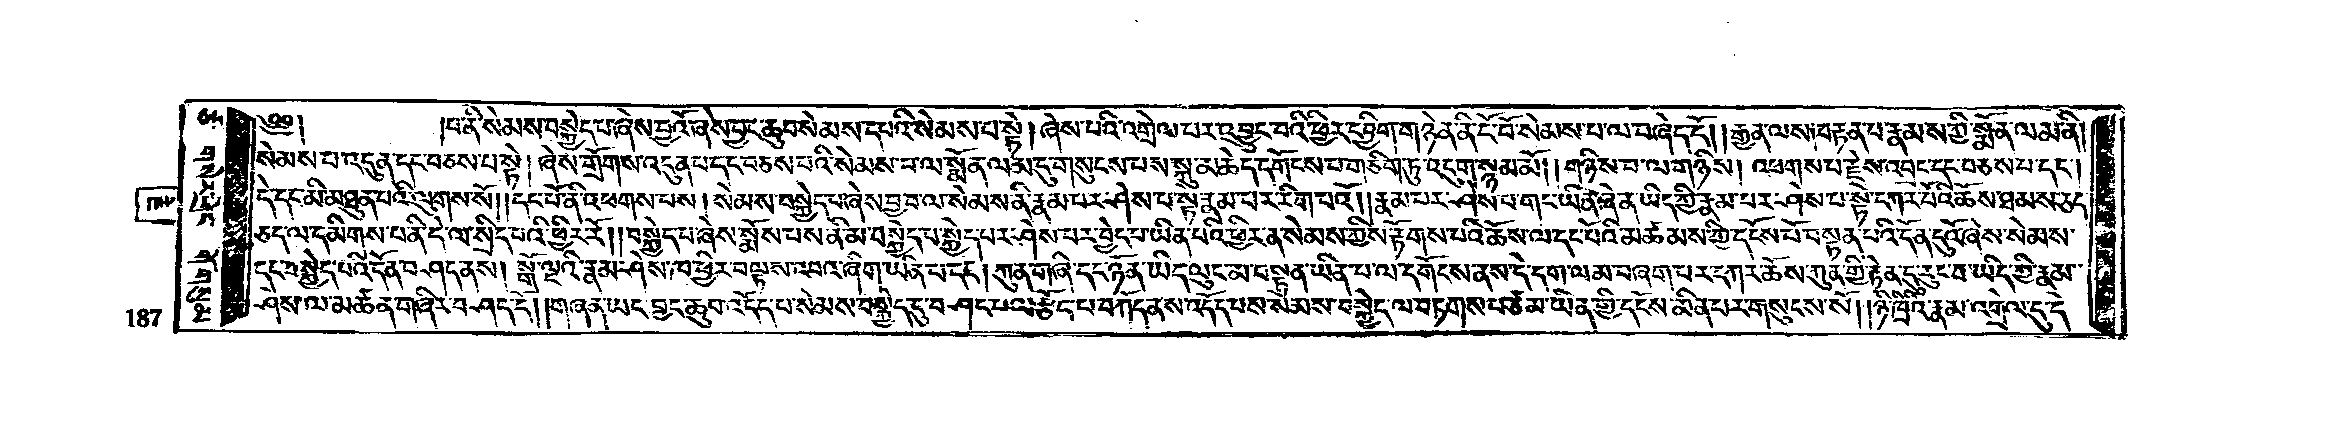༄༅། །པ་ནི་སེམས་བསྐྱེད་པ་ཞེས་བྱའོ་ཞེས་བྱང་ཆུབ་སེམས་དཔའི་སེམས་པ་སྟེ། ཞེས་པའི་འགྲེལ་པར་འབྱུང་བའི་ཕྱིར་དབྱིག་གཉན་ནི་ངོ་བོ་སེམས་པ་ལ་བཞེད་དོ། །རྒྱན་ལས། བརྟན་པ་རྣམས་ཀྱི་སྨོན་ལམ་ནི།
སེམས་པ་འདུན་དང་བཅས་པ་སྟེ། ཞེས་གྲོགས་འདུན་པ་དང་བཅས་པའི་སེམས་པ་ལ་སྨོན་ལམ་དུ་གསུངས་པས་སྐུ་མཆེད་དགོངས་པ་གཅིག་ཏུ་འདུག་སྙམ་མོ། །གཉིས་པ་ལ་གཉིས། འཕགས་པ་རྗེས་འབྲང་དང་བཅས་པ་དང་།
དེ་དང་མི་མཐུན་པའི་ལུགས་སོ། །དང་པོ་ནི་འཕགས་པས། སེམས་བསྐྱེད་པ་ཞེས་བྱ་བ་ལ་སེམས་ནི་རྣམ་པར་ཤེས་པ་སྟེ་རྣམ་པར་རིག་པའོ། །རྣམ་པར་ཤེས་པ་གང་ཡིན་ཞེ་ན་ཡིད་ཀྱི་རྣམ་པར་ཤེས་པ་སྟེ་དཀར་པོའི་ཆོས་ཐམས་ཅད་
ཅད་ལ་དམིགས་པ་ནི་དེ་ལ་སྲིད་པའི་ཕྱིར་རོ། །བསྐྱེད་པ་ཞེས་སྨོས་པས་ནི་མ་བསྐྱེད་པ་སྐྱེད་པར་ཤེས་པར་བྱེད་པ་ཡིན་པའི་ཕྱིར་ན་སེམས་ཀྱིས་རྟོགས་པའི་ཆོས་ལ་དང་པོའི་མཚམས་ཀྱི་དངོས་པོ་བསྟན་པའི་དོན་དུའོ་ཞེས་སེམས་
དང་བསྐྱེད་པའི་དོན་བཤད་ནས། སྒོ་ལྔའི་རྣམ་ཤེས་ཁ་ཕྱིར་བལྟས་འབའ་ཞིག་ཡིན་པ་དང་། ཀུན་གཞི་དང་ཉོན་ཡིད་ལུང་མ་བསྟན་ཡིན་པ་ལ་དགོངས་ནས་དེ་དག་ལམ་བཞག་པར་དཀར་ཆོས་ཀུན་གྱི་རྟེན་དུ་རུང་བ་ཡིད་ཀྱི་རྣམ་
ཤེས་ལ་མཚན་གཞིར་བཤད་དོ། །གཞན་ཡང་བྱང་ཆུབ་འདོད་པ་སེམས་བསྐྱེད་དུ་བཤད་པ་ལ་རྩོད་པ་བཀོད་ནས་འདོད་པས་སེམས་བསྐྱེད་ལ་བཏགས་པ་ཙམ་ཡིན་གྱི་དངོས་མིན་པར་གསུངས་སོ། །ཉི་ཁྲིའི་རྣམ་འགྲེལ་དུ་དེ་